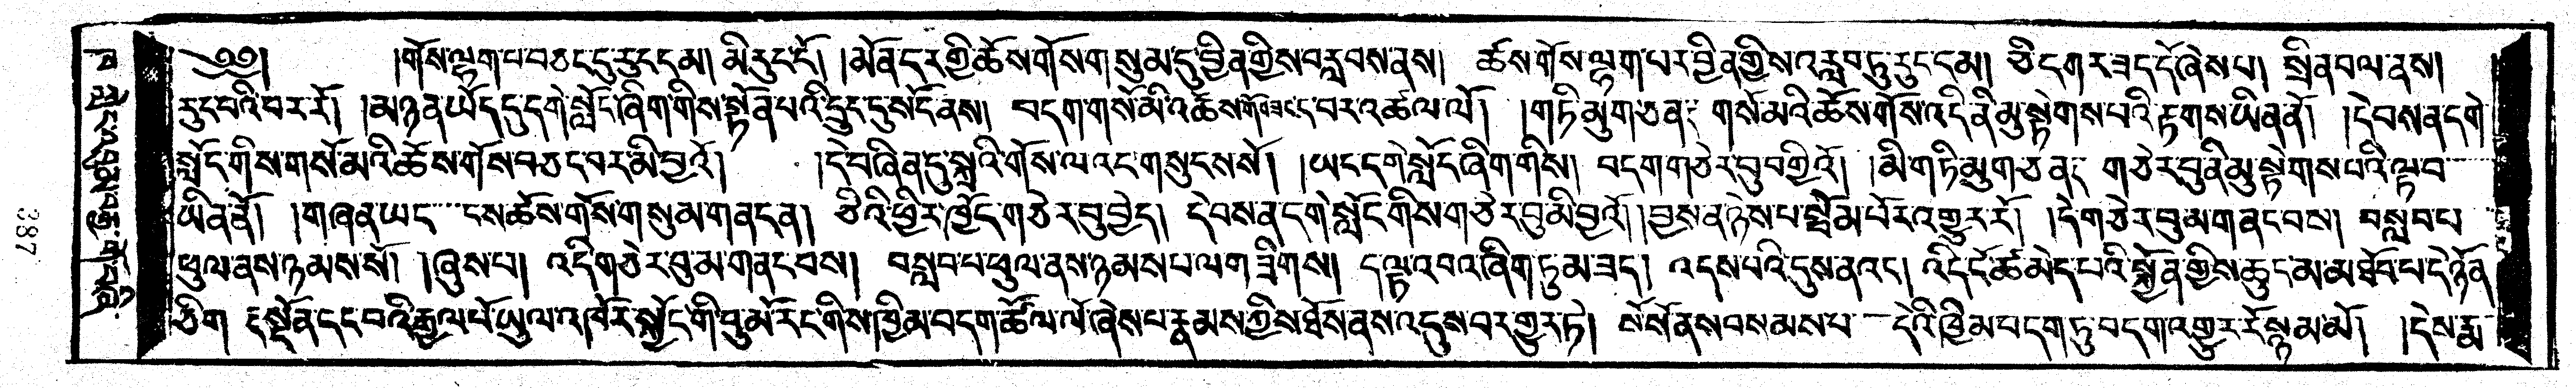༄༅། །གོས་ལྷག་པ་བཅང་དུ་རུང་དམ། མི་རུང་ངོ། །མོན་དར་གྱི་ཆོས་གོས་གསུམ་དུ་བྱིན་གྱིས་བརླབས་ནས། ཚས་གོས་ལྷག་པར་བྱིན་གྱིས་འྲླབ་ཏུ་རུང་ངམ། ཅི་དགར་ཟད་དོ་ཞེས་པ། སྲིན་བལ་ནས།
རུང་བའི་བར་རོ། །མཉན་ཡོད་དུ་དགེ་སློང་ཞིག་གིས་སྟོན་པའི་དྲུང་དུ་སོང་ནས། བདག་གསོ་མི་འཚོས་གོ་བཟང་ད་བར་འཚལ་ལོ། །གཏི་མུག་ཅན༑ གསོ་མའི་ཆོས་གོས་འདི་ནི་མུ་སྟེགས་པའི་རྟགས་ཡིན་ནོ། །དེ་བས་ན་དགེ་
སློང་གིས་གསོ་མའི་ཆོས་གོས་བཅང་བར་མི་བྱའོ། །དེ་བཞིན་དུ་སྐྲའི་གོས་ལའང་གསུངས་སོ། །ཡང་དགེ་སློང་ཞིག་གིས། བདག་གཅེར་བུ་བགྱིའོ། །མི་གཏི་མུག་ཅན༑ གཅེར་བུ་ནི་མུ་སྟེགས་པའི་ལྟ་བ་
ཡིན་ནོ། །གཞན་ཡང་ངས་ཆོས་གོས་གསུམ་གནང་ན། ཅིའི་ཕྱིར་ཁྱོད་གཅེར་བུ་བྱེད། དེ་བས་ན་དགེ་སློང་གིས་གཅེར་བུ་མི་བྱའོ། །བྱས་ན་ཉེས་པ་སྦོམ་པོར་འགྱུར་རོ། །དེ་གཅེར་བུ་མ་གནང་བས། བསླབ་པ་
ཕུལ་ནས་ཉམས་སོ། །ཞུས་པ། འདི་གཅེར་བུ་མ་གནང་བས། བསླབ་པ་ཕུལ་ནས་ཉམས་པ་ལ་གཟིགས། ད་ལྟ་འབའ་ཞིག་ཏུ་མ་ཟད། འདས་པའི་དུས་ནའང་། འདི་ངོ་ཚ་མེད་པའི་སྐྱོན་གྱིས་ཆུང་མ་མཐོབ་པ་དེ་ཉོན་
ཅིག ༑སྔོན་དང་བའི་རྒྱལ་པོ་ཡུལ་འཁོར་སྐྱོང་གི་བུ་མོ་རང་གིས་ཁྱིམ་བདག་ཚོལ་ལོ་ཞེས་པ་རྣམས་ཀྱིས་ཐོས་ནས་འདུས་པར་གྱུར་ཏེ། སོ་སོ་ནས་བསམས་པ་དེའི་ཁྱིམ་བདག་ཏུ་བདག་འགྱུར་རོ་སྙམ་མོ། །དེས་རྨ་